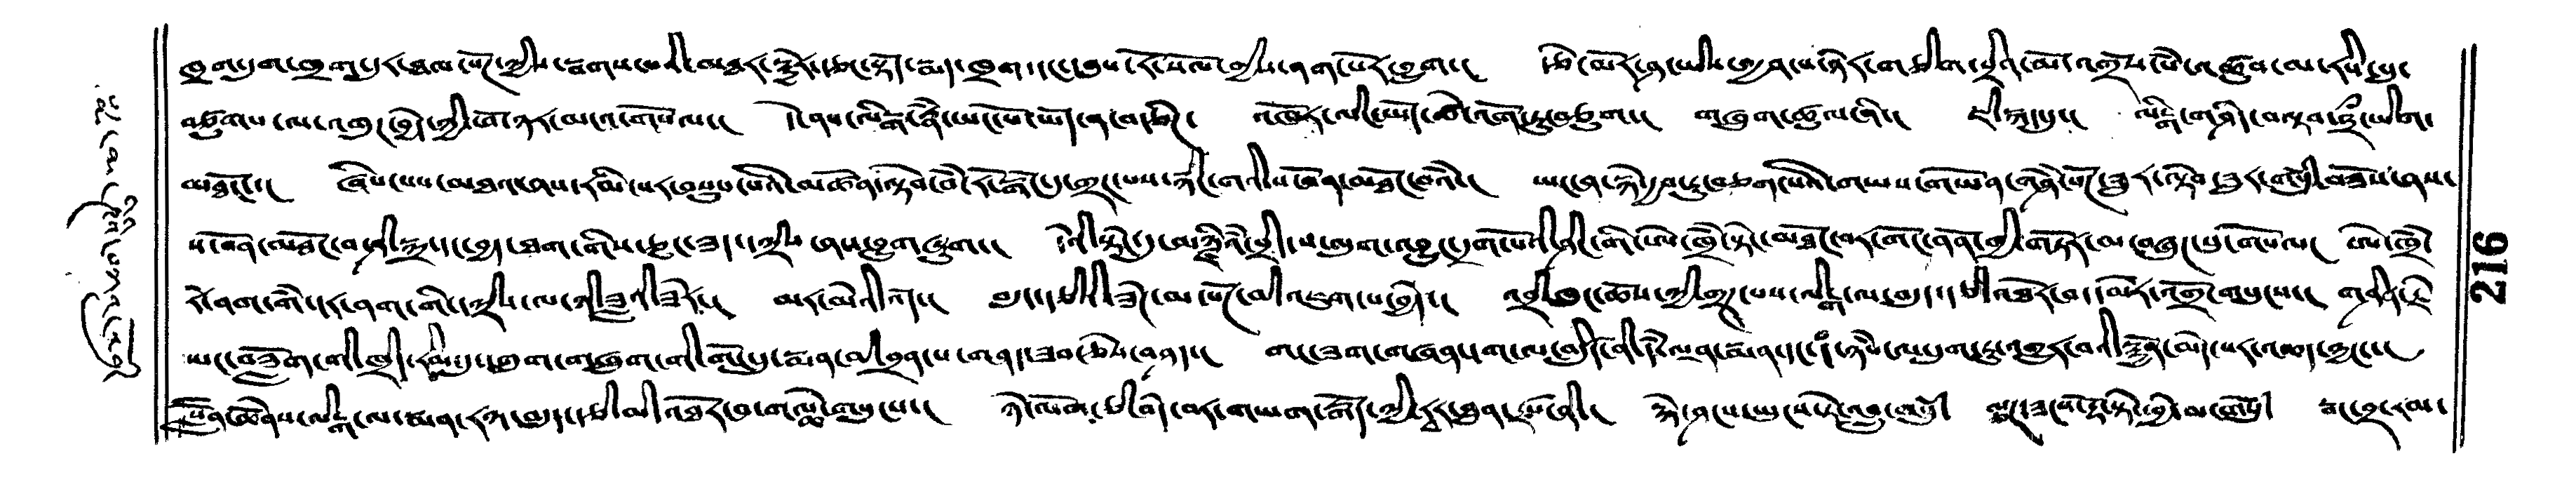ཁྲག་དུག་ཁྲག་དུར་ཐལ་སོགས་ཀྱིས་སྦགས་པའི་མཐར་སྐྱེར་རྩང་སྟོད་སྨད་ཁྲག་དང་དབུས་རོ་སོལ་གྱིས་ནག་པོར་བྱུག རྩེ་མོར་ཤ་ཡིས་བརྒྱན་པ་ཉེར་གཅིག་སྲིན་མོ་འགྲོས་སམ་འཚུབ་མ་རིས་སུ་
བཙུགས་ལ་འགུགས་བྱེད་ཀྱི་ཕོ་ཉར་མངའ་གསོལ། དེ་ནས་ལིངྒ་རྣམས་མང་པོ་ཡོད་ན་གརྩིགས། འཁོར་ལིང་ཡོད་ཚེ་འོག་ཏུ་བཅུག གཞུག་ཚུལ་ནི། ཇི་སྐད་དུ། ལིངྒ་གཤེད་བལྟབ་ནྲྀ་ཡིག་
མཐོང་། ཞེས་པས་མཐའ་ནས་རིམ་པར་བསྡུས་པའི་མཚོན་ལྟབ་བམ་རོ་སྒོང་དུ་གྲགས་པས་སྙིང་གའི་ས་བོན་མཐོང་བའམ། ཡང་ན་སྐེད་རྒྱབ་ཏུ་བཅག་པའི་གཡས་གཡོན་གཤམས་སོགས་ཟུར་ལྟེབ་ཟུར་གསུམ་བཟོས་ནས་
ས་བོན་མཐོང་བ་ཤི་སྐྲ་དང་བྱད་ཐག་གིས་ཅུང་ཟད་དཀྲིས་ནས་ཞུག་བཅུག དེའི་སྟེང་དུ་མཉྫིའམ་སྲིད་པ་ལུགས་འབྱུང་དྲག་པོའི་ཤིང་གི་ཨེ་ཁྲམ་སྟེང་མཐོང་བར་གོང་ནོན་གྱི་གཏོར་མ་བཞུགས་སུ་གསོལ། ཨེ་ཁྲམ་
རེ་ནག་གམ་དར་ནག་གི་དཀྲིས་ལ་ཉི་ཟླའི་ཟེར། མར་མེའི་འོད། བདུད་རྩིའི་ཟེགས་མ་སོགས་མི་འཇུག་པར་བྱེད། འབྲི་ཁུང་ཆོས་ཀྱི་གྲགས་པས་ལིངྒ་ལ་བདུད་རྩི་འཐོར་བ་དམེར་འགྲོ་གསུངས། གཤིན་རྗེ་
ཡང་བཟློག་གི་ཁྲིད་རིམ་དུ་དགུག་གཞུག་གི་གོང་དུ་སྨན་མི་བྲན་པ་གནད་ཟབ་ཅེས་བཤད། གང་ཟག་གཞན་དག་ལ་བདུད་རྩི་ནི་དམ་ལྡན་ལ་སྨན་དང་དམ་ཉམས་ལ་དུག་ཏུ་འགྱུར་བའི་སྐྱོན་མེད་པར་འཆད་ཀྱང་། 
སློབ་དཔོན་ཆེན་པོ་ནས་ལིངྒ་ལ་སྨན་རཀ་བདུད་རྩི་མི་འཐོར་བ་གལ་ཆེ་གསུངས། ཉེ་ལོགས་ཅི་བདེ་བར་གཡག་རྒོད་ཀྱི་རྭར་ཐུན་རྫས་ནི། རྐེ་ཤངས་ཡུངས་ཏེ་འབྲུ་གསུམ། ལྕགས་ཟངས་རྡོ་སྟེ་ཕྱེ་མ་གསུམ། སྦང་བྲ་རམ་